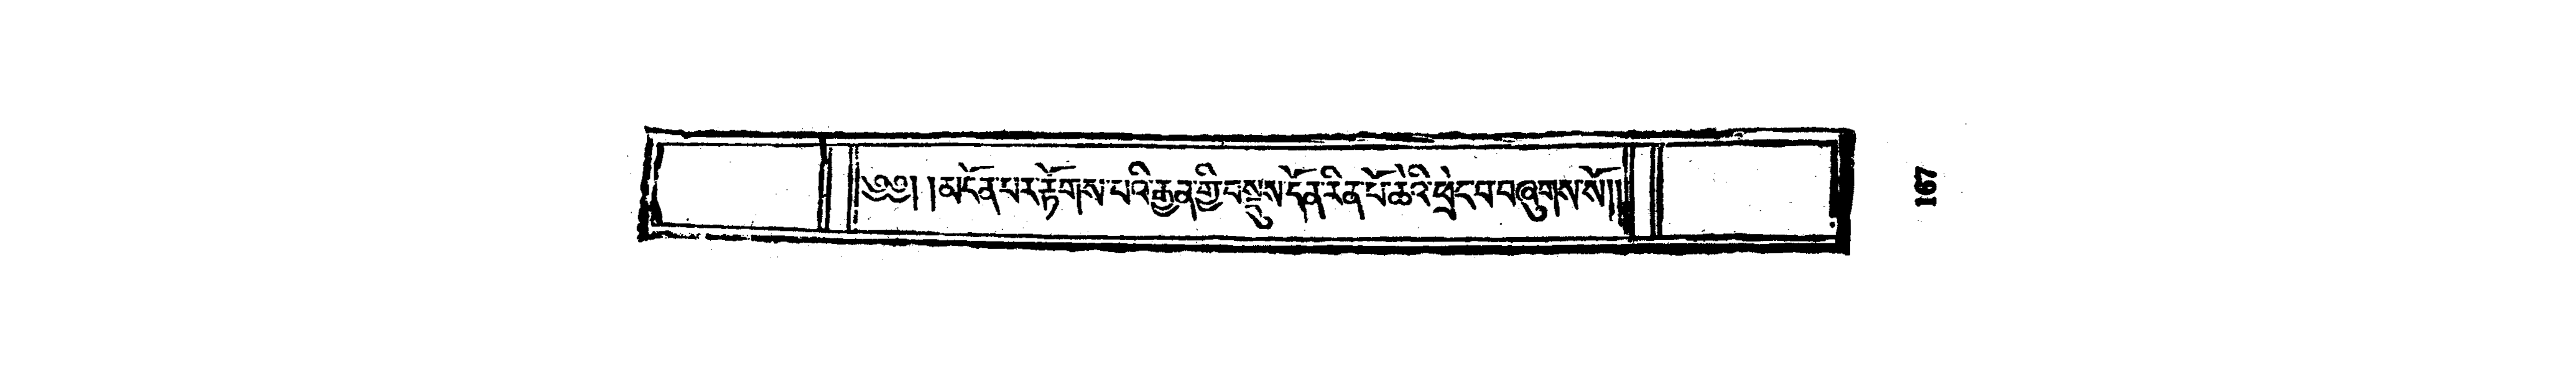༄༅། །མངོན་པར་རྟོགས་པའི་རྒྱན་གྱི་བསྡུས་དོན་རིན་པོ་ཆེའི་ཕྲེང་བ་བཞུགས་སོ།།